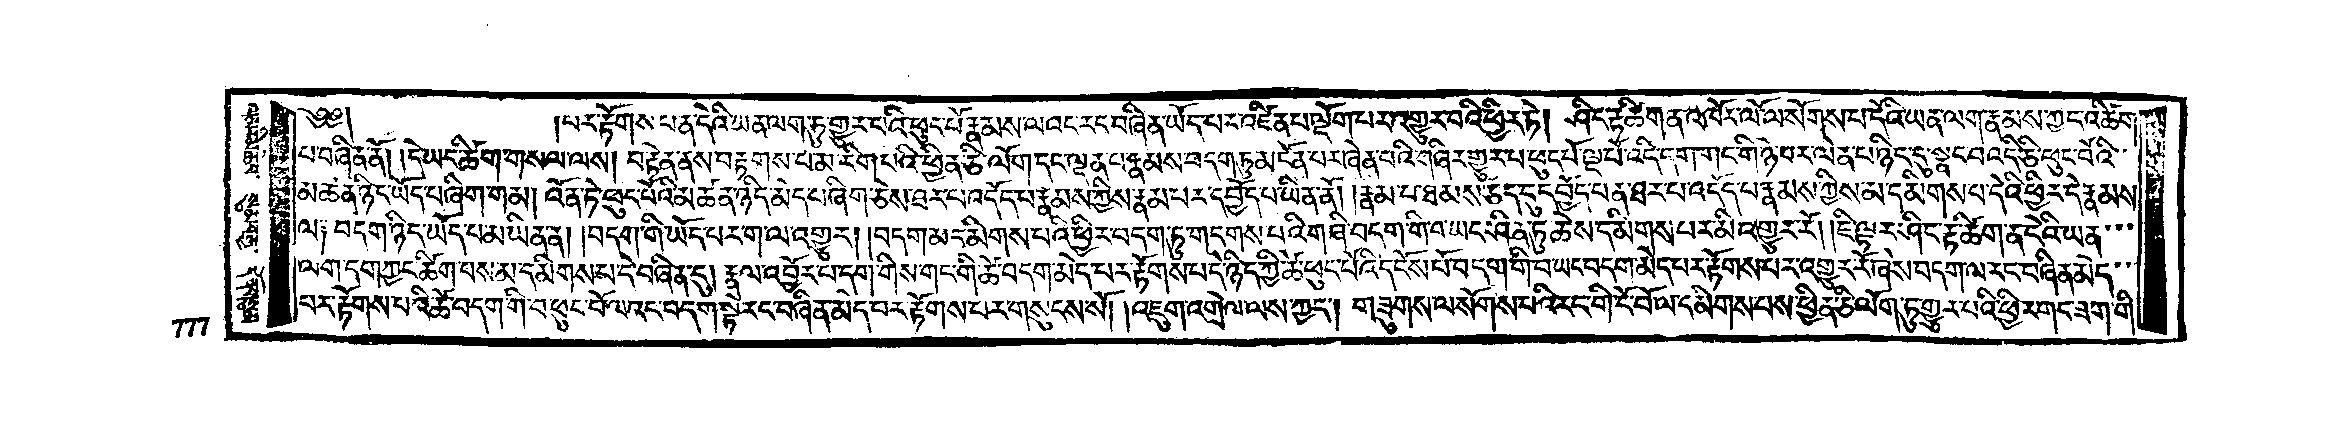༄༅། །པར་རྟོགས་པ་ན་དེའི་ཡན་ལག་ཏུ་གྱུར་པའི་ཕུང་པོ་རྣམས་ལའང་རང་བཞིན་ཡོད་པར་འཛིན་པ་ལྡོག་པར་འགྱུར་བའི་ཕྱིར་ཏེ། ཤིང་རྟ་ཚིག་ན་འཁོར་ལོ་ལ་སོགས་པ་དེའི་ཡན་ལག་རྣམས་ཀྱང་འཚིག་
པ་བཞིན་ནོ། །དེ་ཡང་ཚིག་གསལ་ལས། བརྟེན་ནས་བརྟགས་པ་མ་རིག་པའི་ཕྱིན་ཅི་ལོག་དང་ལྡན་པ་རྣམས་བདག་ཏུ་མངོན་པར་ཞེན་པའི་གཞིར་གྱུར་པ་ཕུང་པོ་ལྔ་པོ་འདི་དག་གང་གི་ཉེ་བར་ལེན་པ་ཉིད་དུ་སྣང་བ་འདི་ཅི་ཕུང་པོའི་
མཚན་ཉིད་ཡོད་པ་ཞིག་གམ། འོན་ཏེ་ཕུང་པོའི་མཚན་ཉིད་མེད་པ་ཞིག་ཅེས་ཐར་པ་འདོད་པ་རྣམས་ཀྱིས་རྣམ་པར་དཔྱོད་པ་ཡིན་ནོ། །རྣམ་པ་ཐམས་ཅད་དུ་དཔྱོད་པ་ན་ཐར་པ་འདོད་པ་རྣམས་ཀྱིས་མ་དམིགས་པ་དེའི་ཕྱིར་དེ་རྣམས་
ལ༑ བདག་ཉིད་ཡོད་པ་མ་ཡིན་ན། །བདག་གི་ཡོད་པར་ག་ལ་འགྱུར། །བདག་མ་དམིགས་པའི་ཕྱིར་བདག་ཏུ་གདགས་པའི་གཞི་བདག་གི་བ་ཡང་ཤིན་ཏུ་ཆེས་དམིགས་པར་མི་འགྱུར་རོ། །ཇི་ལྟར་ཤིང་རྟ་ཚིག་ན་དེའི་ཡན་
ལག་དག་ཀྱང་ཚིག་པས་མ་དམིགས་པ་དེ་བཞིན་དུ། རྣལ་འབྱོར་པ་དག་གིས་གང་གི་ཚེ་བདག་མེད་པར་རྟོགས་པ་དེ་ཉིད་ཀྱི་ཚེ་ཕུང་པོའི་དངོས་པོ་བདག་གི་བ་ཡང་བདག་མེད་པར་རྟོགས་པར་འགྱུར་རོ་ཞེས་བདག་ལ་རང་བཞིན་མེད་
པར་རྟོགས་པའི་ཚེ་བདག་གི་བ་ཕུང་པོ་ལའང་བདག་སྟེ་རང་བཞིན་མེད་པར་རྟོགས་པར་གསུངས་སོ། །འཇུག་འགྲེལ་ལས་ཀྱང་། གཟུགས་ལ་སོགས་པའི་རང་གི་ངོ་བོ་ལ་དམིགས་པས་ཕྱིན་ཅི་ལོག་ཏུ་གྱུར་པའི་ཕྱིར་གང་ཟག་གི་